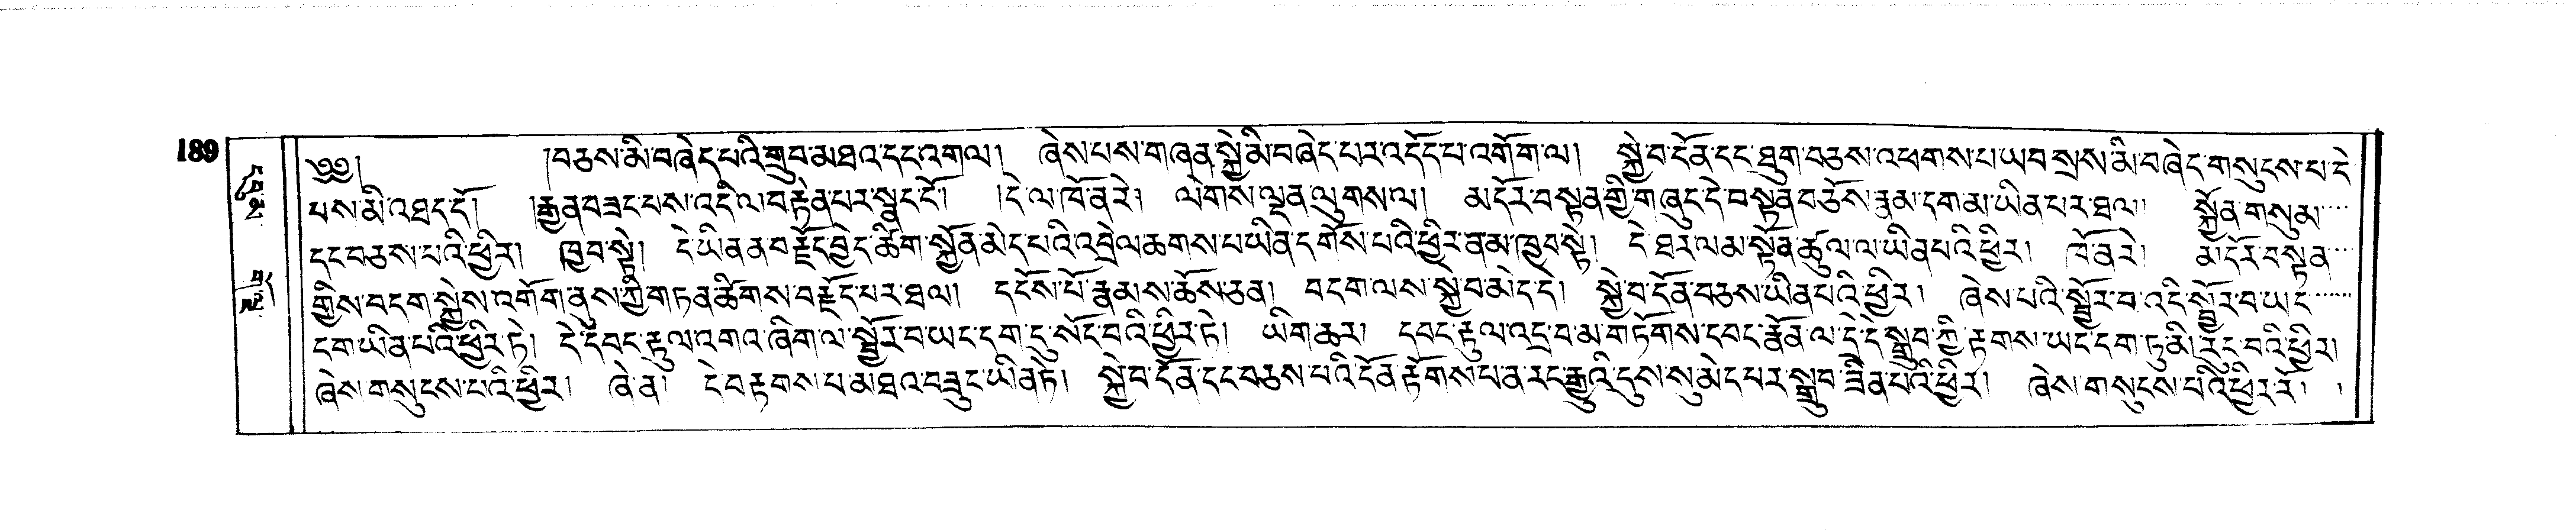༄༅། །བཅས་མི་བཞེད་པའི་གྲུབ་མཐའ་དང་འགལ། ཞེས་པས་གཞན་སྐྱེ་མི་བཞེད་པར་འདོད་པ་འགོག་ལ། སྐྱེ་བ་དོན་དང་ཐུག་བཅས་འཕགས་པ་ཡབ་སྲས་མི་བཞེད་གསུངས་པ་དེ་
པས་མི་འཐད་དོ། །རྒྱན་བཟང་པས་འདི་ལ་བརྟེན་པར་སྣང་ངོ། །དེ་ལ་ཁོ་ན་རེ། ལེགས་ལྡན་ལུགས་ལ། མདོར་བསྟན་གྱི་གཞུང་དེ་བསྟན་བཅོས་རྣམ་དག་མ་ཡིན་པར་ཐལ། སྐྱོན་གསུམ་
དང་བཅས་པའི་ཕྱིར། ཁྱབ་སྟེ། དེ་ཡིན་ན་བརྗོད་བྱེད་ཚིག་སྐྱོན་མེད་པའི་འབྲེལ་ཆགས་པ་ཡིན་དགོས་པའི་ཕྱིར་ན་མ་ཁྱབ་སྟེ། དེ་ཐར་ལམ་སྟོན་ཚུལ་ལ་ཡིན་པའི་ཕྱིར། ཁོ་ན་རེ། མདོར་བསྟན་
གྱིས་བདག་སྐྱེས་འགོག་ནུས་ཀྱི་གཏན་ཚིགས་བརྗོད་པར་ཐལ། དངོས་པོ་རྣམས་ཆོས་ཅན། བདག་ལས་སྐྱེ་བ་མེད་དེ། སྐྱེ་བ་དོན་བཅས་ཡིན་པའི་ཕྱིར། ཞེས་པའི་སྦྱོར་བ་འདི་སྦྱོར་བ་ཡང་
དག་ཡིན་པའི་ཕྱིར་ཏེ། དེ་དབང་རྟུལ་འགའ་ཞིག་ལ་སྦྱོར་བ་ཡང་དག་དུ་སོང་བའི་ཕྱིར་ཏེ། ཡིག་ཆར། དབང་རྟུལ་འདྲ་བ་མ་གཏོགས་དབང་རྣོན་ལ་དེ་དེ་སྒྲུབ་ཀྱི་རྟགས་ཡང་དག་ཏུ་མི་རུང་བའི་ཕྱིར།
ཞེས་གསུངས་པའི་ཕྱིར། ཞེ་ན། དེ་བརྟགས་པ་མཐའ་བཟུང་ཡིན་ཏེ། སྐྱེ་བ་དོན་དང་བཅས་པའི་དོན་རྟོགས་པ་ན་རང་རྒྱུའི་དུས་སུ་མེད་པར་སྒྲུབ་ཟིན་པའི་ཕྱིར། ཞེས་གསུངས་པའི་ཕྱིར་རོ། །